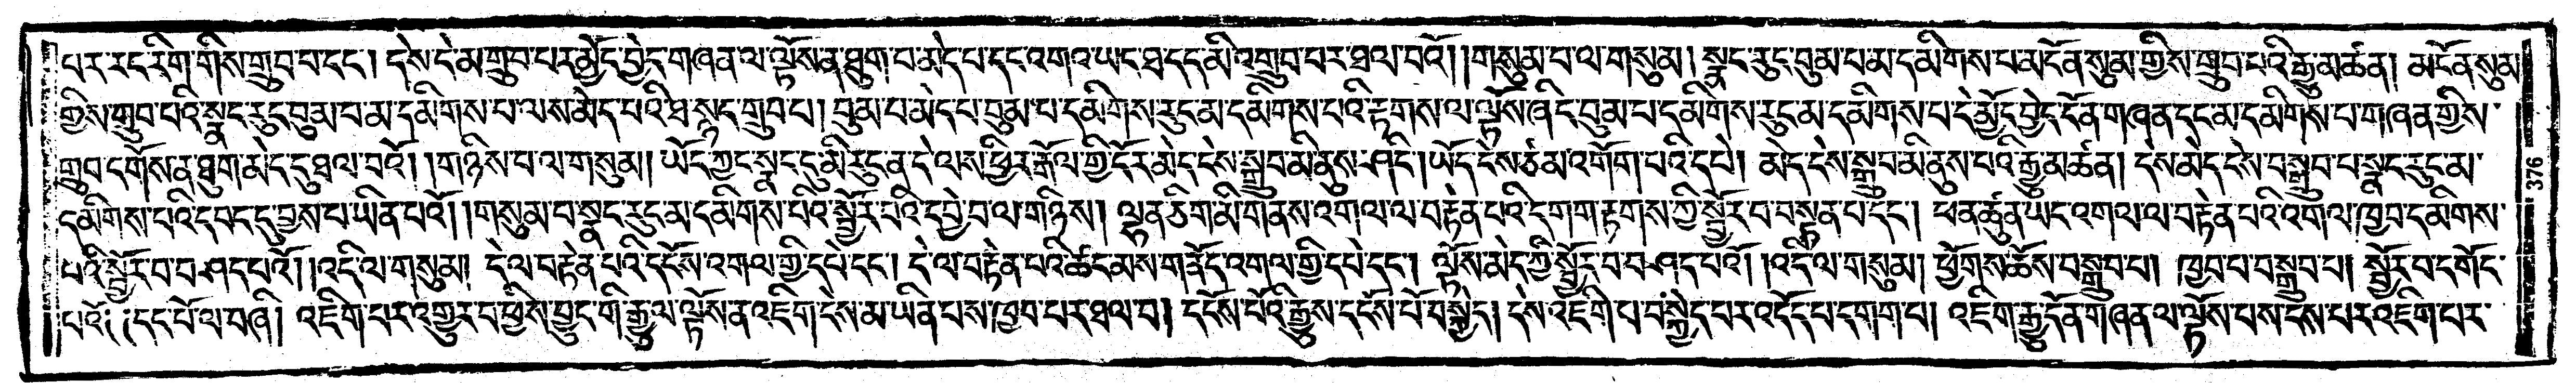པར་རང་རིག་གིས་གྲུབ་པ་དང་། དེས་དེ་མ་གྲུབ་པར་མྱོང་བྱེད་གཞན་ལ་ལྟོས་ན་ཐུག་པ་མེད་པ་དང་འགའ་ཡང་ཐ་དད་མི་འགྲུབ་པར་ཐལ་བའོ། །གསུམ་པ་ལ་གསུམ། སྣང་རུང་བུམ་པ་མ་དམིགས་པ་མངོན་སུམ་གྱིས་གྲུབ་པའི་རྒྱུ་མཚན། མངོན་སུམ་
གྱིས་གྲུབ་པའི་སྣང་རུང་བུམ་པ་མ་དམིགས་པ་ལས་མེད་པའི་ཐ་སྙད་གྲུབ་པ། བུམ་པ་མེད་པ་བུམ་པ་དམིགས་རུང་མ་དམིགས་པའི་རྟགས་ལ་ལྟོས་ཞིང་བུམ་པ་དམིགས་རུང་མ་དམིགས་པ་དེ་མྱོང་བྱེད་དོན་གཞན་དང་མ་དམིགས་པ་གཞན་གྱིས་
གྲུབ་དགོས་ན་ཐུག་མེད་དུ་ཐལ་བའོ། །གཉིས་པ་ལ་གསུམ། ཡོད་ཀྱང་སྣང་དུ་མི་རུང་ན་དེ་ལས་ཕྱིར་རྒོལ་གྱི་དོར་མེད་ངེས་སྒྲུབ་མི་ནུས་ཤིང་། ཡོད་ངེས་ཙམ་འགོག་པའི་དཔེ། མེད་དེས་སྒྲུབ་མི་ནུས་པའི་རྒྱུ་མཚན། དེས་མེད་ངེས་བསྒྲུབ་པ་སྣང་རུང་མ་
དམིགས་པའི་དབང་དུ་བྱས་པ་ཡིན་པའོ། །གསུམ་པ་སྣང་རུང་མ་དམིགས་པའི་སྦྱོར་བའི་དབྱེ་བ་ལ་གཉིས། ལྷན་ཅིག་མི་གནས་འགལ་ལ་བརྟེན་པའི་དགག་རྟགས་ཀྱི་སྦྱོར་བ་བསྟན་པ་དང་། ཕན་ཚུན་ཡང་འགལ་ལ་བརྟེན་པའི་འགལ་ཁྱབ་དམིགས་
པའི་སྦྱོར་བ་བཤད་པའོ། །འདི་ལ་གསུམ། དེ་ལ་བརྟེན་པའི་དངོས་འགལ་གྱི་དཔེ་དང་། དེ་ལ་བརྟེན་པའི་ཚད་མས་གནོད་འགལ་གྱི་དཔེ་དང་། ལྟོས་མེད་ཀྱི་སྦྱོར་བ་བཤད་པའོ། །འདི་ལ་གསུམ། ཕྱོགས་ཆོས་བསྒྲུབ་པ། ཁྱབ་པ་བསྒྲུབ་པ། སྦྱོར་བ་དགོད་
པའོ། །དང་པོ་ལ་བཞི། འཇིག་པར་འགྱུར་བ་ཕྱིས་བྱུང་གི་རྒྱུ་ལ་ལྟོས་ན་འཇིག་ངེས་མ་ཡིན་པས་ཁྱབ་པར་ཐལ་བ། དངོས་པོའི་རྒྱུས་དངོས་པོ་བསྐྱེད། དེས་འཇིག་པ་བསྐྱེད་པར་འདོད་པ་དགག་པ། འཇིག་རྒྱུ་དོན་གཞན་ལ་ལྟོས་པས་ངས་པར་འཇིག་པར་